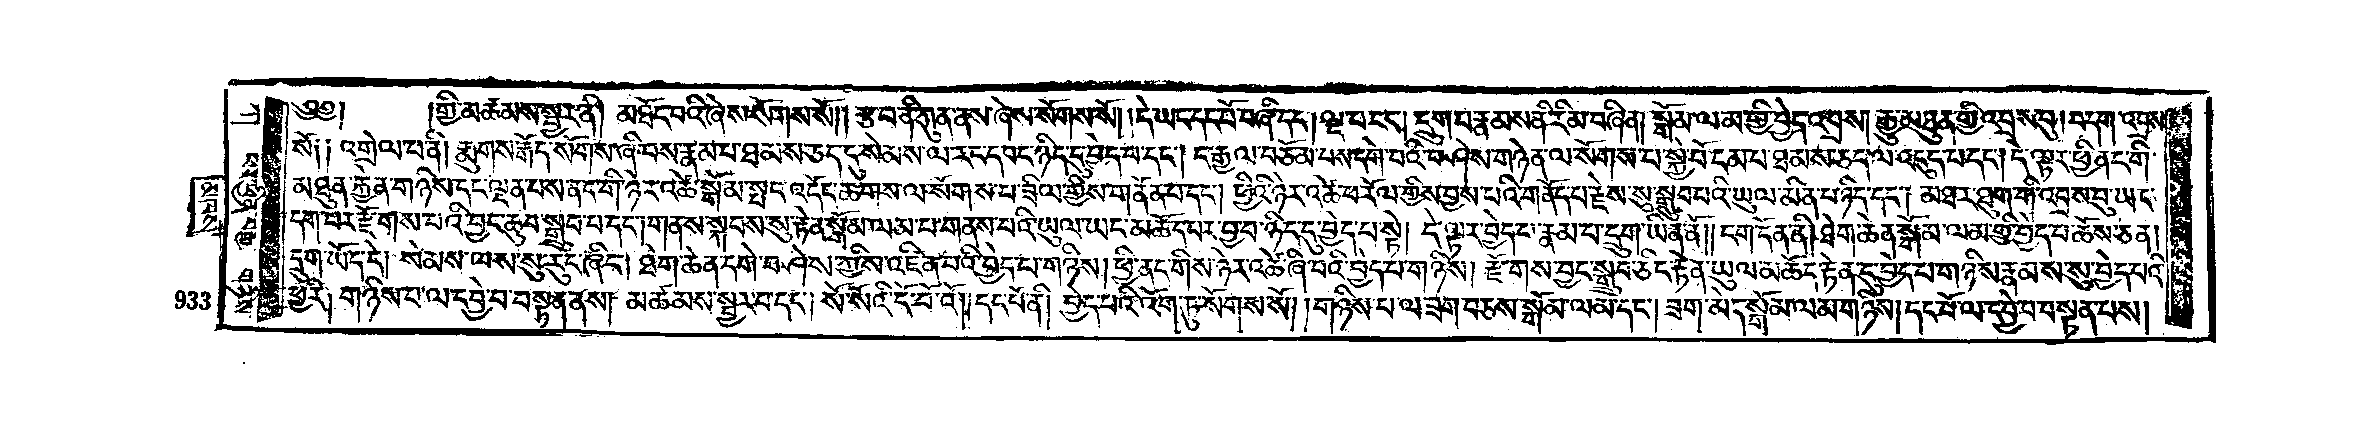༄༅། །གྱི་མཚམས་སྦྱར་ནི། མཐོང་བའི་ཞེས་སོགས་སོ། །རྩ་བ་ནི་ཀུན་ནས་ཞེས་སོགས་སོ། །དེ་ཡང་དང་པོ་བཞི་དང་། ལྔ་པ་དང་། དྲུག་པ་རྣམས་ནི་རིམ་བཞིན། སྒོམ་ལམ་གྱི་བྱེད་འབྲས། རྒྱུ་མཐུན་གྱི་འབྲས་བུ། བདག་འབྲས་
སོ༑ ༑འགྲེལ་པ་ནི། རྨུགས་རྒོད་སོགས་ཞི་བས་རྣམ་པ་ཐམས་ཅད་དུ་སེམས་ལ་རང་དབང་ཉིད་དུ་བྱེད་པ་དང་། ང་རྒྱལ་བཅོམ་པས་དགེ་བའི་བཤེས་གཉེན་ལ་སོགས་པ་སྐྱེ་བོ་དམ་པ་ཐམས་ཅད་ལ་འདུད་པ་དང་། དེ་ལྟར་ཕྱི་ནང་གི་
མཐུན་རྐྱེན་གཉིས་དང་ལྡན་པས་ནང་གི་ཉེར་འཚེ་སྒོམ་སྤང་འདོད་ཆགས་ལ་སོགས་པ་ཟིལ་གྱིས་གནོན་པ་དང་། ཕྱིའི་ཉེར་འཚེ་ཕ་རོལ་གྱིས་བྱས་པའི་གནོད་པ་རྗེས་སུ་སྒྲུབ་པའི་ཡུལ་མིན་པ་ཉིད་དང་། མཐར་ཐུག་གི་འབྲས་བུ་ཡང་
དག་པར་རྫོགས་པའི་བྱང་ཆུབ་སྒྲུབ་པ་དང་། གནས་སྐབས་སུ་རྟེན་སྒོམ་ལམ་པ་གནས་པའི་ཡུལ་ཡང་མཆོད་པར་བྱ་བ་ཉིད་དུ་བྱེད་པ་སྟེ། དེ་ལྟར་བྱེད་པ་རྣམ་པ་དྲུག་ཡིན་ནོ། །ངག་དོན་ནི། ཐེག་ཆེན་སྒོམ་ལམ་གྱི་བྱེད་པ་ཆོས་ཅན།
དྲུག་ཡོད་དེ། སེམས་ལས་སུ་རུང་ཞིང་། ཐེག་ཆེན་དགེ་བཤེས་ཀྱིས་འཛིན་པའི་བྱེད་པ་གཉིས། ཕྱི་ནང་གིས་ཉེར་འཚེ་ཞི་བའི་བྱེད་པ་གཉིས། རྫོགས་བྱང་སྒྲུབ་ཅིང་རྟེན་ཡུལ་མཆོད་རྟེན་དུ་བྱེད་པ་གཉིས་རྣམས་སུ་བྱེད་པའི་
ཕྱིར༑ གཉིས་པ་ལ་དབྱེ་བ་བསྟན་ནས། མཚམས་སྦྱར་བ་དང་། སོ་སོའི་ངོ་བོ་འོ། །དང་པོ་ནི། བྱེད་པའི་འོག་ཏུ་སོགས་སོ། །གཉིས་པ་ལ་ཟག་བཅས་སྒོམ་ལམ་དང་། ཟག་མེད་སྒོམ་ལམ་གཉིས། དང་པོ་ལ་དབྱེ་བ་བསྟན་པས།